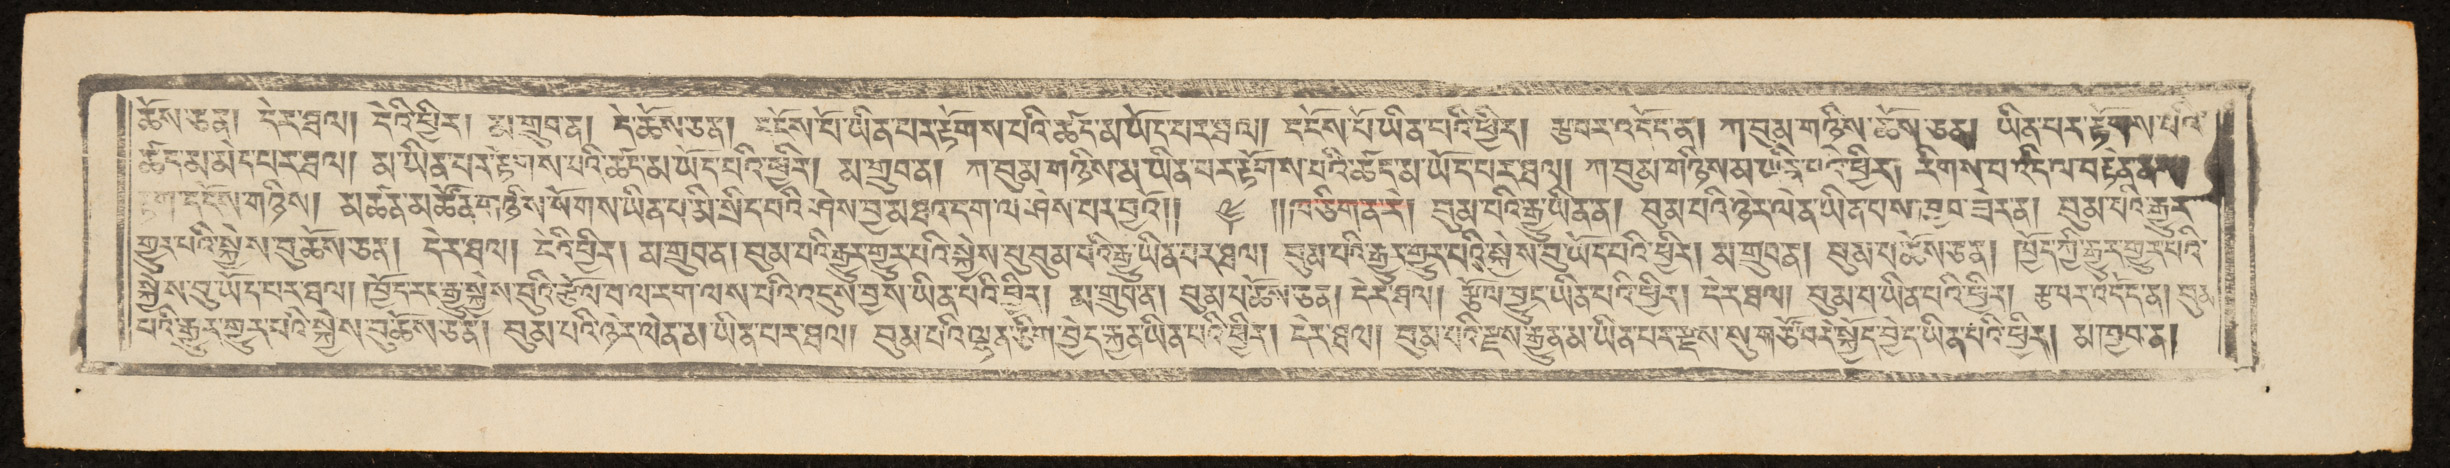ཆོས་ཅན། དེར་ཐལ། དེའི་ཕྱིར། མ་གྲུབ་ན། དེ་ཆོས་ཅན། དངོས་པོ་ཡིན་པར་རྟོགས་པའི་ཚད་མ་ཡོད་པར་ཐལ། དངོས་པོ་ཡིན་པའི་ཕྱིར། རྩ་བར་འདོད་ན། ཀ་བུམ་གཉིས་ཆོས་ཅན། ཡིན་པར་རྟོགས་པའི་
ཚད་མ་མེད་པར་ཐལ། མ་ཡིན་པར་རྟོགས་པའི་ཚད་མ་ཡོད་པའི་ཕྱིར། མ་གྲུབ་ན། ཀ་བུམ་གཉིས་མ་ཡིན་པར་རྟོགས་པའི་ཚད་མ་ཡོད་པར་ཐལ། ཀ་བུམ་གཉིས་མ་ཡིན་པའི་ཕྱིར། རིགས་པ་འདི་ལ་བརྟེན་ནས།
རྟག་དངོས་གཉིས། མཚན་མཚོན་གཉིས་སོགས་ཡིན་པ་མི་སྲིད་པའི་ཤེས་བྱ་མཐའ་དག་ལ་ཤེས་པར་བྱའོ།།༈ །།ཁ་ཅིག་ན་རེ། བུམ་པའི་རྒྱུ་ཡིན་ན། བུམ་པའི་ཉེར་ལེན་ཡིན་པས་ཁྱབ་ཟེར་ན། བུམ་པའི་རྒྱུར་
གྱུར་པའི་སྐྱེས་བུ་ཆོས་ཅན། དེར་ཐལ། དེའི་ཕྱིར། མ་གྲུབ་ན། བུམ་པའི་རྒྱུར་གྱུར་པའི་སྐྱེས་བུ་བུམ་པའི་རྒྱུ་ཡིན་པར་ཐལ། བུམ་པའི་རྒྱུར་གྱུར་པའི་སྐྱེས་བུ་ཡོད་པའི་ཕྱིར། མ་གྲུབ་ན། བུམ་པ་ཆོས་ཅན། ཁྱོད་ཀྱི་རྒྱུར་གྱུར་པའི་
སྐྱེས་བུ་ཡོད་པར་ཐལ། ཁྱོད་རང་རྒྱུ་སྐྱེས་བུའི་རྩོལ་བ་ལ་རག་ལས་པའི་འདུས་བྱས་ཡིན་པའི་ཕྱིར། མ་གྲུབ་ན། བུམ་པ་ཆོས་ཅན། དེར་ཐལ། རྩོལ་བྱུང་ཡིན་པའི་ཕྱིར། དེར་ཐལ། བུམ་པ་ཡིན་པའི་ཕྱིར། རྩ་བར་འདོད་ན། བུམ་
པའི་རྒྱུར་གྱུར་པའི་སྐྱེས་བུམ་ཆོས་ཅན། བུམ་པའི་ཉེར་ལེན་མ་ཡིན་པར་ཐལ། བུམ་པའི་ལྷན་ཅིག་བྱེད་རྐྱེན་ཡིན་པའི་ཕྱིར། དེར་ཐལ། བུམ་པའི་རྫས་རྒྱུན་མ་ཡིན་པར་རྫས་སུ་གཙོ་བོར་སྐྱེད་བྱེད་ཡིན་པའི་ཕྱིར། མ་ཁྱབ་ན།